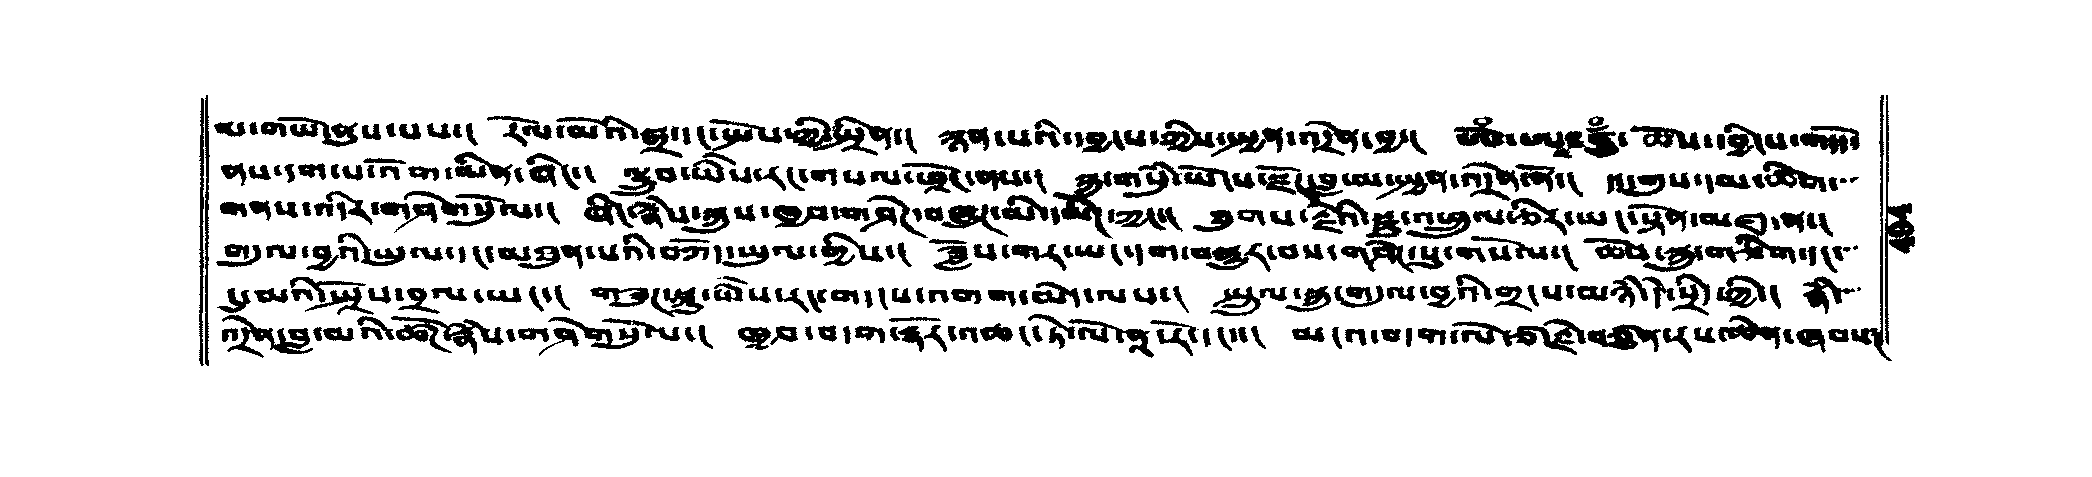མ་གཡོ་ནུས་པས། །རོལ་མོའི་སྒྲ་དང་སྤོས་ཀྱི་སྤྲིན། །སྙན་པའི་དབྱངས་ཀྱིས་སྤྱན་འདྲེན་བྱ། ། ཨོྂ་ཨཱཿཧཱུྂ། ཆོས་དབྱིངས་གདོད་
ནས་དག་པ་འོག་མིན་ཞིང་། །ལྷུན་གྲུབ་ཡེ་ཤེས་རང་གསལ་ཕོ་བྲང་ནས། །སྐུ་གསུམ་ཡོངས་རྫོགས་བླ་མ་སྤྱན་འདྲེན་ནོ། །དད་གུས་དམ་ཚིག་
གནས་འདིར་བཤེགས་སུ་གསོལ། །ཞིང་རྣམས་སྐུས་ཁྱབ་གཤེགས་བཞུགས་མི་དམིགས་ཀྱང1$10002501$1000180་། ཐུགས་རྗེའི་སྒྱུའཕྲུལ་ཅིར་ཡང་སྟོན་མཛད་ན། །
གདུལ་བྱའི་ཡུལ་དང་མཐུན་པའི་བཀོད་ཡུལ་གྱིས། །ཟློས་གར་ཡང་དག་བསྒྱུར་བས་གཤེགསསུ་གསོལ། །ཆོས་སྐུ་གཅིག་དང་
དུ་མའི་སྤྲོས་བྲལ་ཡང་། །གཟུགས་སྐུ་ཡེ་ཤེས་རང་གདངས་འགག་མེད་ལས། །སྤྲུལ་སྐུ་གདུལ་བྱའི་གྲངས་མཉམ་དེ་སྲིད་ཀྱི། །རྣམ་
འདྲེན་བླ་མའི་ཚོགས་རྣམས་གཤེགས་སུ་གསོལ། །ཁྱབ་བདག་རྡོར་འཆང་ཏེ་ལོ་ནཱ་རོ་དང་། ། མངའ་བདག་ལོ་ཙཱ་རྗེ་བཙུན་རས་ཆེན་ཞབས། །